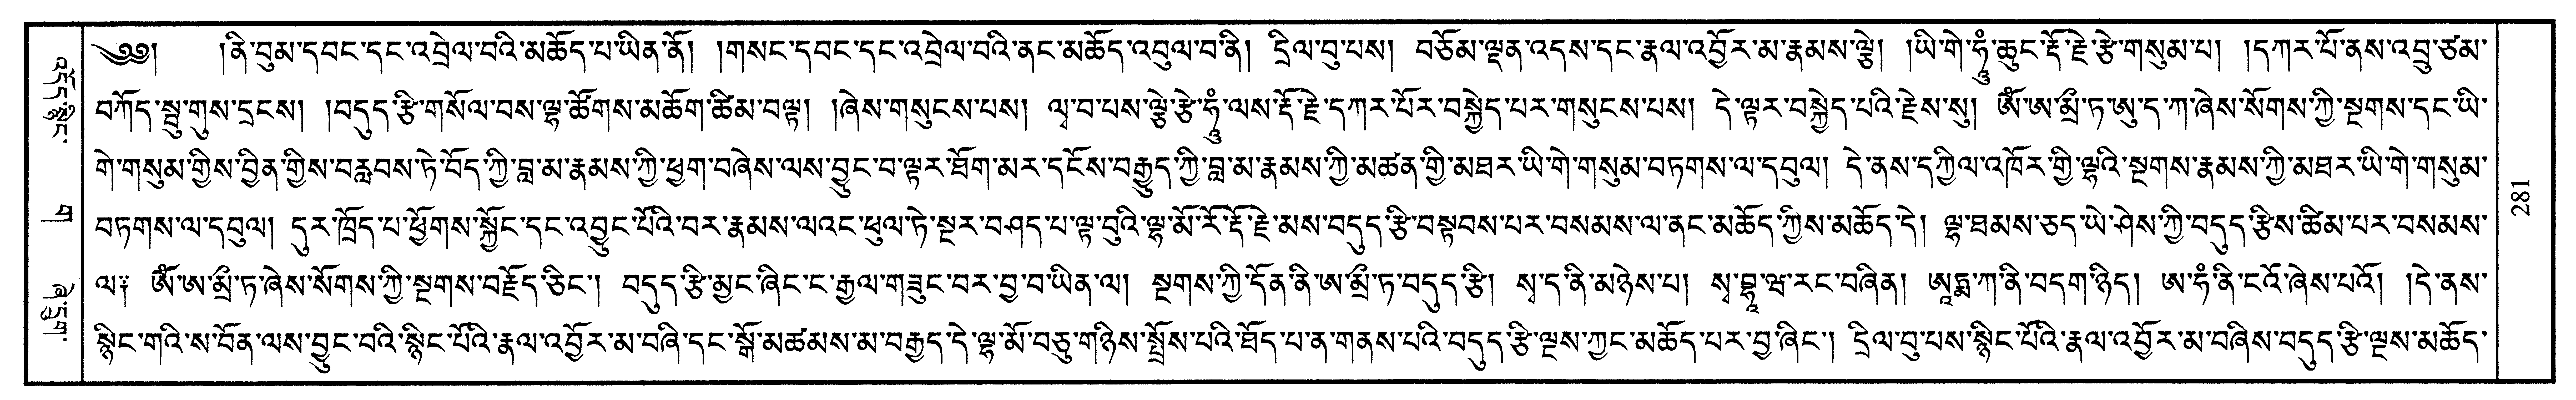༄༅། །ནི་བུམ་དབང་དང་འབྲེལ་བའི་མཆོད་པ་ཡིན་ནོ། །གསང་དབང་དང་འབྲེལ་བའི་ནང་མཆོད་འབུལ་བ་ནི། དྲིལ་བུ་པས། བཅོམ་ལྡན་འདས་དང་རྣལ་འབྱོར་མ་རྣམས་ལྕེ། །ཡི་གེ་ཧཱུཾ་ཆུང་རྡོ་རྗེ་རྩེ་གསུམ་པ། །དཀར་པོ་ནས་འབྲུ་ཙམ་
བཀོད་སྦུ་གུས་དྲངས། །བདུད་རྩི་གསོལ་བས་ལྷ་ཚོགས་མཆོག་ཚིམ་བལྟ། །ཞེས་གསུངས་པས། ལྭ་བ་པས་ལྕེ་རྩེ་ཧཱུཾ་ལས་རྡོ་རྗེ་དཀར་པོར་བསྐྱེད་པར་གསུངས་པས། དེ་ལྟར་བསྐྱེད་པའི་རྗེས་སུ། ཨོཾ་ཨ་མྲྀ་ཏ་ཨུ་ད་ཀ་ཞེས་སོགས་ཀྱི་སྔགས་དང་ཡི་
གེ་གསུམ་གྱིས་བྱིན་གྱིས་བརླབས་ཏེ་བོད་ཀྱི་བླ་མ་རྣམས་ཀྱི་ཕྱག་བཞེས་ལས་བྱུང་བ་ལྟར་ཐོག་མར་དངོས་བརྒྱུད་ཀྱི་བླ་མ་རྣམས་ཀྱི་མཚན་གྱི་མཐར་ཡི་གེ་གསུམ་བཏགས་ལ་དབུལ། དེ་ནས་དཀྱིལ་འཁོར་གྱི་ལྷའི་སྔགས་རྣམས་ཀྱི་མཐར་ཡི་གེ་གསུམ་
བཏགས་ལ་དབུལ། དུར་ཁྲོད་པ་ཕྱོགས་སྐྱོང་དང་འབྱུང་པོའི་བར་རྣམས་ལའང་ཕུལ་ཏེ་སྔར་བཤད་པ་ལྟ་བུའི་ལྷ་མོ་རོ་རྡོ་རྗེ་མས་བདུད་རྩི་བསྟབས་པར་བསམས་ལ་ནང་མཆོད་ཀྱིས་མཆོད་དེ། ལྷ་ཐམས་ཅད་ཡེ་ཤེས་ཀྱི་བདུད་རྩིས་ཚིམ་པར་བསམས་
ལ། ཨོཾ་ཨ་མྲྀ་ཏ་ཞེས་སོགས་ཀྱི་སྔགས་བརྗོད་ཅིང་། བདུད་རྩི་མྱང་ཞིང་ང་རྒྱལ་གཟུང་བར་བྱ་བ་ཡིན་ལ། སྔགས་ཀྱི་དོན་ནི་ཨ་མྲྀ་ཏ་བདུད་རྩི། སྭ་ད་ནི་མཉེས་པ། སྭ་བྷཱ་ཝ་རང་བཞིན། ཨཱཏྨ་ཀ་ནི་བདག་ཉིད། ཨ་ཧཾ་ནི་ངའོ་ཞེས་པའོ། །དེ་ནས་
སྙིང་གའི་ས་བོན་ལས་བྱུང་བའི་སྙིང་པོའི་རྣལ་འབྱོར་མ་བཞི་དང་སྒོ་མཚམས་མ་བརྒྱད་དེ་ལྷ་མོ་བཅུ་གཉིས་སྤྲོས་པའི་ཐོད་པ་ན་གནས་པའི་བདུད་རྩི་ལྔས་ཀྱང་མཆོད་པར་བྱ་ཞིང་། དྲིལ་བུ་པས་སྙིང་པོའི་རྣལ་འབྱོར་མ་བཞིས་བདུད་རྩི་ལྔས་མཆོད་